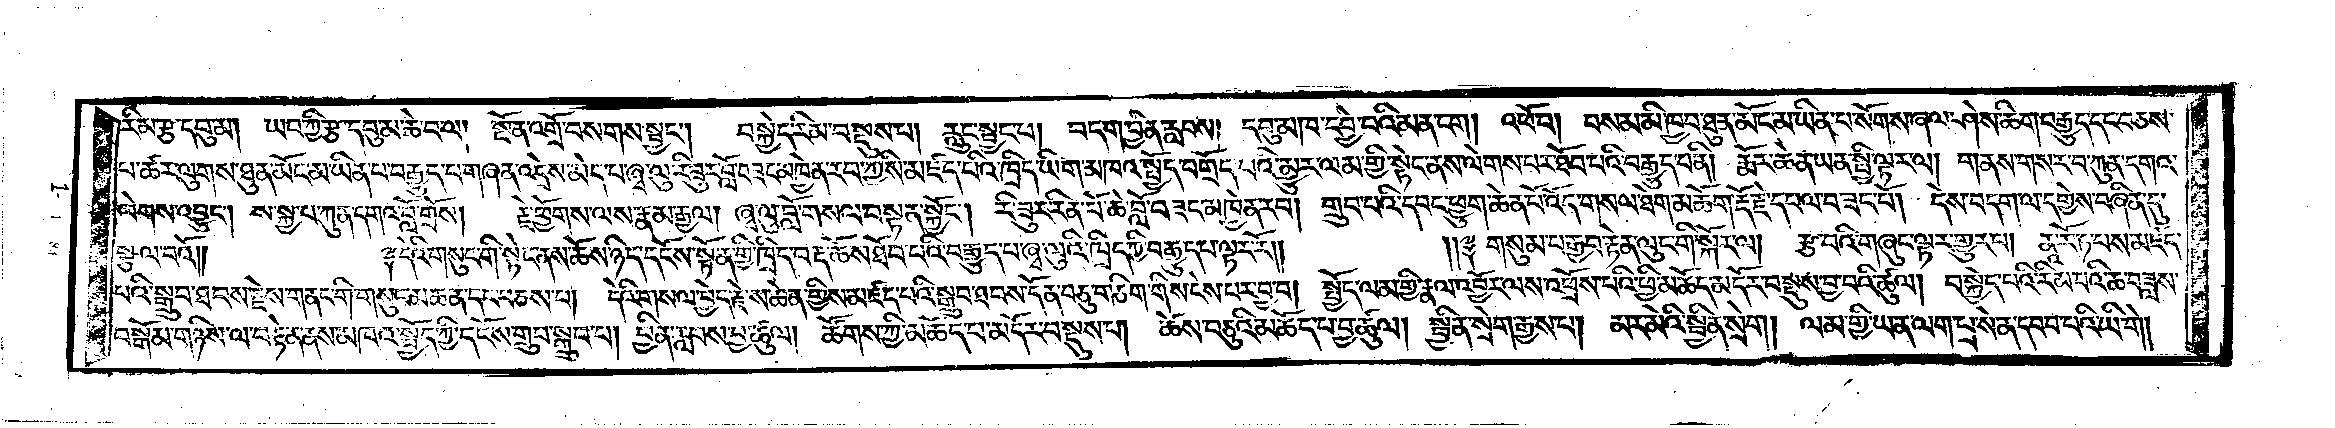རིམ་རྩ་དབུ་མ། ཡབ་ཀྱིར་ཙ་དབུ་མ་ཆེ་བ་ལ། སྔོན་འགྲོ་བསགས་སྦྱང་། བསྐྱེད་རིམ་བསྡུས་པ། རླུང་སྦྱར་པ། བདག་བྱིན་རླབས། དབུ་མ་ཁ་དབྱེ་བའི་མན་ངག། འཕོ་བ། བསམ་མི་ཁྱབ་ཐུན་མོང་མ་ཡིན་པ་སོགས་ཞལ་ཤེས་ཚིག་བརྒྱུད་དང་བཅས་
པ་ཚར་ལུགས་ཐུན་མོང་མ་ཡིན་པ་བརྒྱུད་པ་གཞན་འདྲེས་མེད་པ་ཞྭ་ལུ་རི་ཟུར་བློ་བཟང་མཁྱེན་རབ་ཀྱིས་མཛད་པའི་ཁྲིད་ཡིག་མཁའ་སྤྱོད་བགྲོད་པའི་མྱུར་ལམ་གྱི་སྟེང་ནས་ལེགས་པར་ཐོབ་པའི་བརྒྱུད་པ་ནི། རྨོར་ཆེན་ཡན་སྤྱི་ལྟར་ལ། གནས་གསར་བ་ཀུན་དགའ་
ལེགས་འབྱུང་། ས་སྐྱ་པ་ཀུན་དགའ་བློ་གྲོས། རྗེ་ཕྱོགས་ལས་རྣམ་རྒྱལ། ཞྭ་ལུ་བློ་གསལ་བསྟན་སྐྱོང་། རི་ཟུར་རིན་པོ་ཆེ་བློ་བཟང་མཁྱེན་རབ། གྲུབ་པའི་དབང་ཕྱུག་ཆེན་པོ་འོད་གསལ་ཐེག་མཆྒོ་རྡོ་རྗེ་དཔལ་བཟང་པོ། དེས་བདག་ལ་དགྱེས་བཞིན་དུ་
སྩལ་པའོ།། དེའི་གསུང་གི་སྟེང་ནས་ཆོས་ཉིད་དངོས་སྟོན་གྱི་ཁྲིད་བརྡ་ཆོས་ཐོབ་པའི་བརྒྱུད་པ་ཞྭ་ལུའུ་ཁྲིད་ཀྱི་བརྒྱུད་པ་ལྟར་རོ།། །། འ་གསུམ་པ་རྒྱབ་རྟེན་ལུང་གི་སྐོར་ལ། རྩ་བའི་གཞུང་ལྟར་གྱུར་པ། ནཱ་རོ་ཏ་པས་མཛད་
པའི་སྒྲུབ་ཐབས་རྗེས་གནང་གི་གསུང་མཚན་དང་བཅས་པ། དེའི་གསལ་བྱེད་རྗེ་ས་ཆེན་གྱིས་མཛད་པའི་སྒྲུབ་ཐབས་དོན་བཅུག་ཅིག་གིས་ངེས་པར་བྱ་བ། སྤྱོད་ལམ་གྱི་རྣལ་འབྱོར་ལས་འགྲོས་པའི་ཕྱི་མཆོད་མདོར་བསྡུས་བྱ་བའི་ཚུལ། བསྐྱེད་པའི་རིམ་པའི་ཆ་བཟླས་
བསྒོམ་གཉིས་ལ་བརྟེན་ནས་མཁའ་སྤྱོད་ཀྱི་དངོས་གྲུབ་སྒྲུབ་པ། བྱིན་རླབས་བྱ་ཚུལ། ཚོགས་ཀྱི་མཆོད་པ་མདོར་བསྡུས་པ། ཆོས་བཅུའི་མཆོད་པ་བྱ་ཚུ། སྦྱིན་སྲེག་རྒྱས་པ། མར་མེའི་སྦྱིན་སྲེག། ལམ་གྱི་ཡན་ལག་པྲ་སེ་ན་དབབ་པའི་ཡི་གེ།